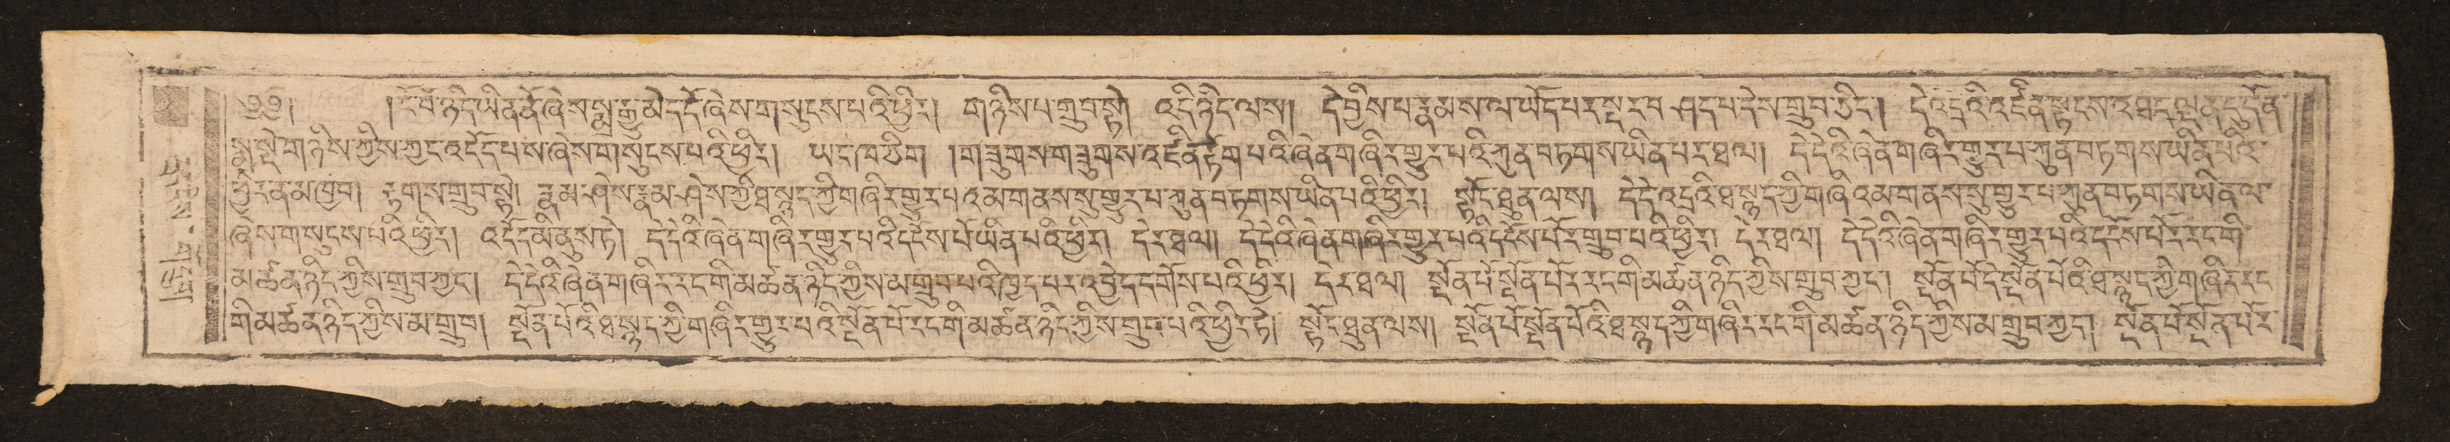༄༅། །ངོ་བོ་ཉིད་ཡིན་ནོ་ཞེས་སྨྲ་རྒྱུ་མེད་དོ་ཞེས་གསུངས་པའི་ཕྱིར། གཉིས་པ་གྲུབ་སྟེ། འདི་ཉིད་ལས། དེ་བྱིས་པ་རྣམས་ལ་ཡོད་པར་སྔར་བཤད་པ་དེས་གྲུབ་ཅིང་། དེ་འདྲའི་འཛིན་སྟངས་འཐད་ལྡན་དུ་དོན་
སྨྲ་སྡེ་གཉིས་ཀྱིས་ཀྱང་འདོད་པས་ཞེས་གསུངས་པའི་ཕྱིར། ཡང་ཁ་ཅིག །གཟུགས་གཟུགས་འཛིན་རྟོག་པའི་ཞེན་གཞིར་གྱུར་པའི་ཀུན་བཏགས་ཡིན་པར་ཐལ། དེ་དེའི་ཞེན་གཞིར་གྱུར་བ་ཀུན་བཏགས་ཡིན་པའི་
ཕྱིར་ན་མ་ཁྱབ། རྟགས་གྲུབ་སྟེ། རྣམ་ཤེས་རྣམ་ཤེས་ཀྱི་ཐ་སྙད་ཀྱི་གཞིར་གྱུར་པའམ་གནས་སུ་གྱུར་པ་ཀུན་བཏགས་ཡིན་པའི་ཕྱིར། སྟོང་ཐུན་ལས། དེ་དེ་འདྲའི་ཐ་སྙད་ཀྱི་གཞིའམ་གནས་སུ་གྱུར་བ་ཀུན་བཏགས་ཡིན་ལ་
ཞེས་གསུངས་པའི་ཕྱིར། འདོད་མི་ནུས་ཏེ། དེ་དེའི་ཞེན་གཞིར་གྱུར་པའི་དངོས་པོ་ཡིན་པའི་ཕྱིར། དེར་ཐལ། དེ་དེའི་ཞེན་གཞིར་གྱུར་པའི་དངོས་པོར་གྲུབ་པའི་ཕྱིར། དེར་ཐལ། དེ་དེའི་ཞེན་གཞིར་གྱུར་པའི་དངོས་པོར་རང་གི་
མཚན་ཉིད་ཀྱིས་གྲུབ་ཀྱང་། དེ་དེའི་ཞེན་གཞིར་རང་གི་མཚན་ཉིད་ཀྱིས་མ་གྲུབ་པའི་ཁྱད་པར་འབྱེད་དགོས་པའི་ཕྱིར། དེར་ཐལ། སྔོན་པོ་སྔོན་པོར་རང་གི་མཚན་ཉིད་ཀྱིས་གྲུབ་ཀྱང་། སྔོན་པོ་དེ་སྔོན་པོའི་ཐ་སྙད་ཀྱི་གཞིར་རང་
གི་མཚན་ཉིད་ཀྱིས་མ་གྲུབ། སྔོན་པོའི་ཐ་སྙད་ཀྱི་གཞིར་གྱུར་པའི་སྔོན་པོ་རང་གི་མཚན་ཉིད་ཀྱིས་གྲུབ་པའི་ཕྱིར་ཏེ། སྟོང་ཐུན་ལས། སྔོན་པོ་སྔོན་པོའི་ཐ་སྙད་ཀྱི་གཞིར་རང་གི་མཚན་ཉིད་ཀྱིས་མ་གྲུབ་ཀྱང་། སྔོན་པོ་སྔོན་པོར་